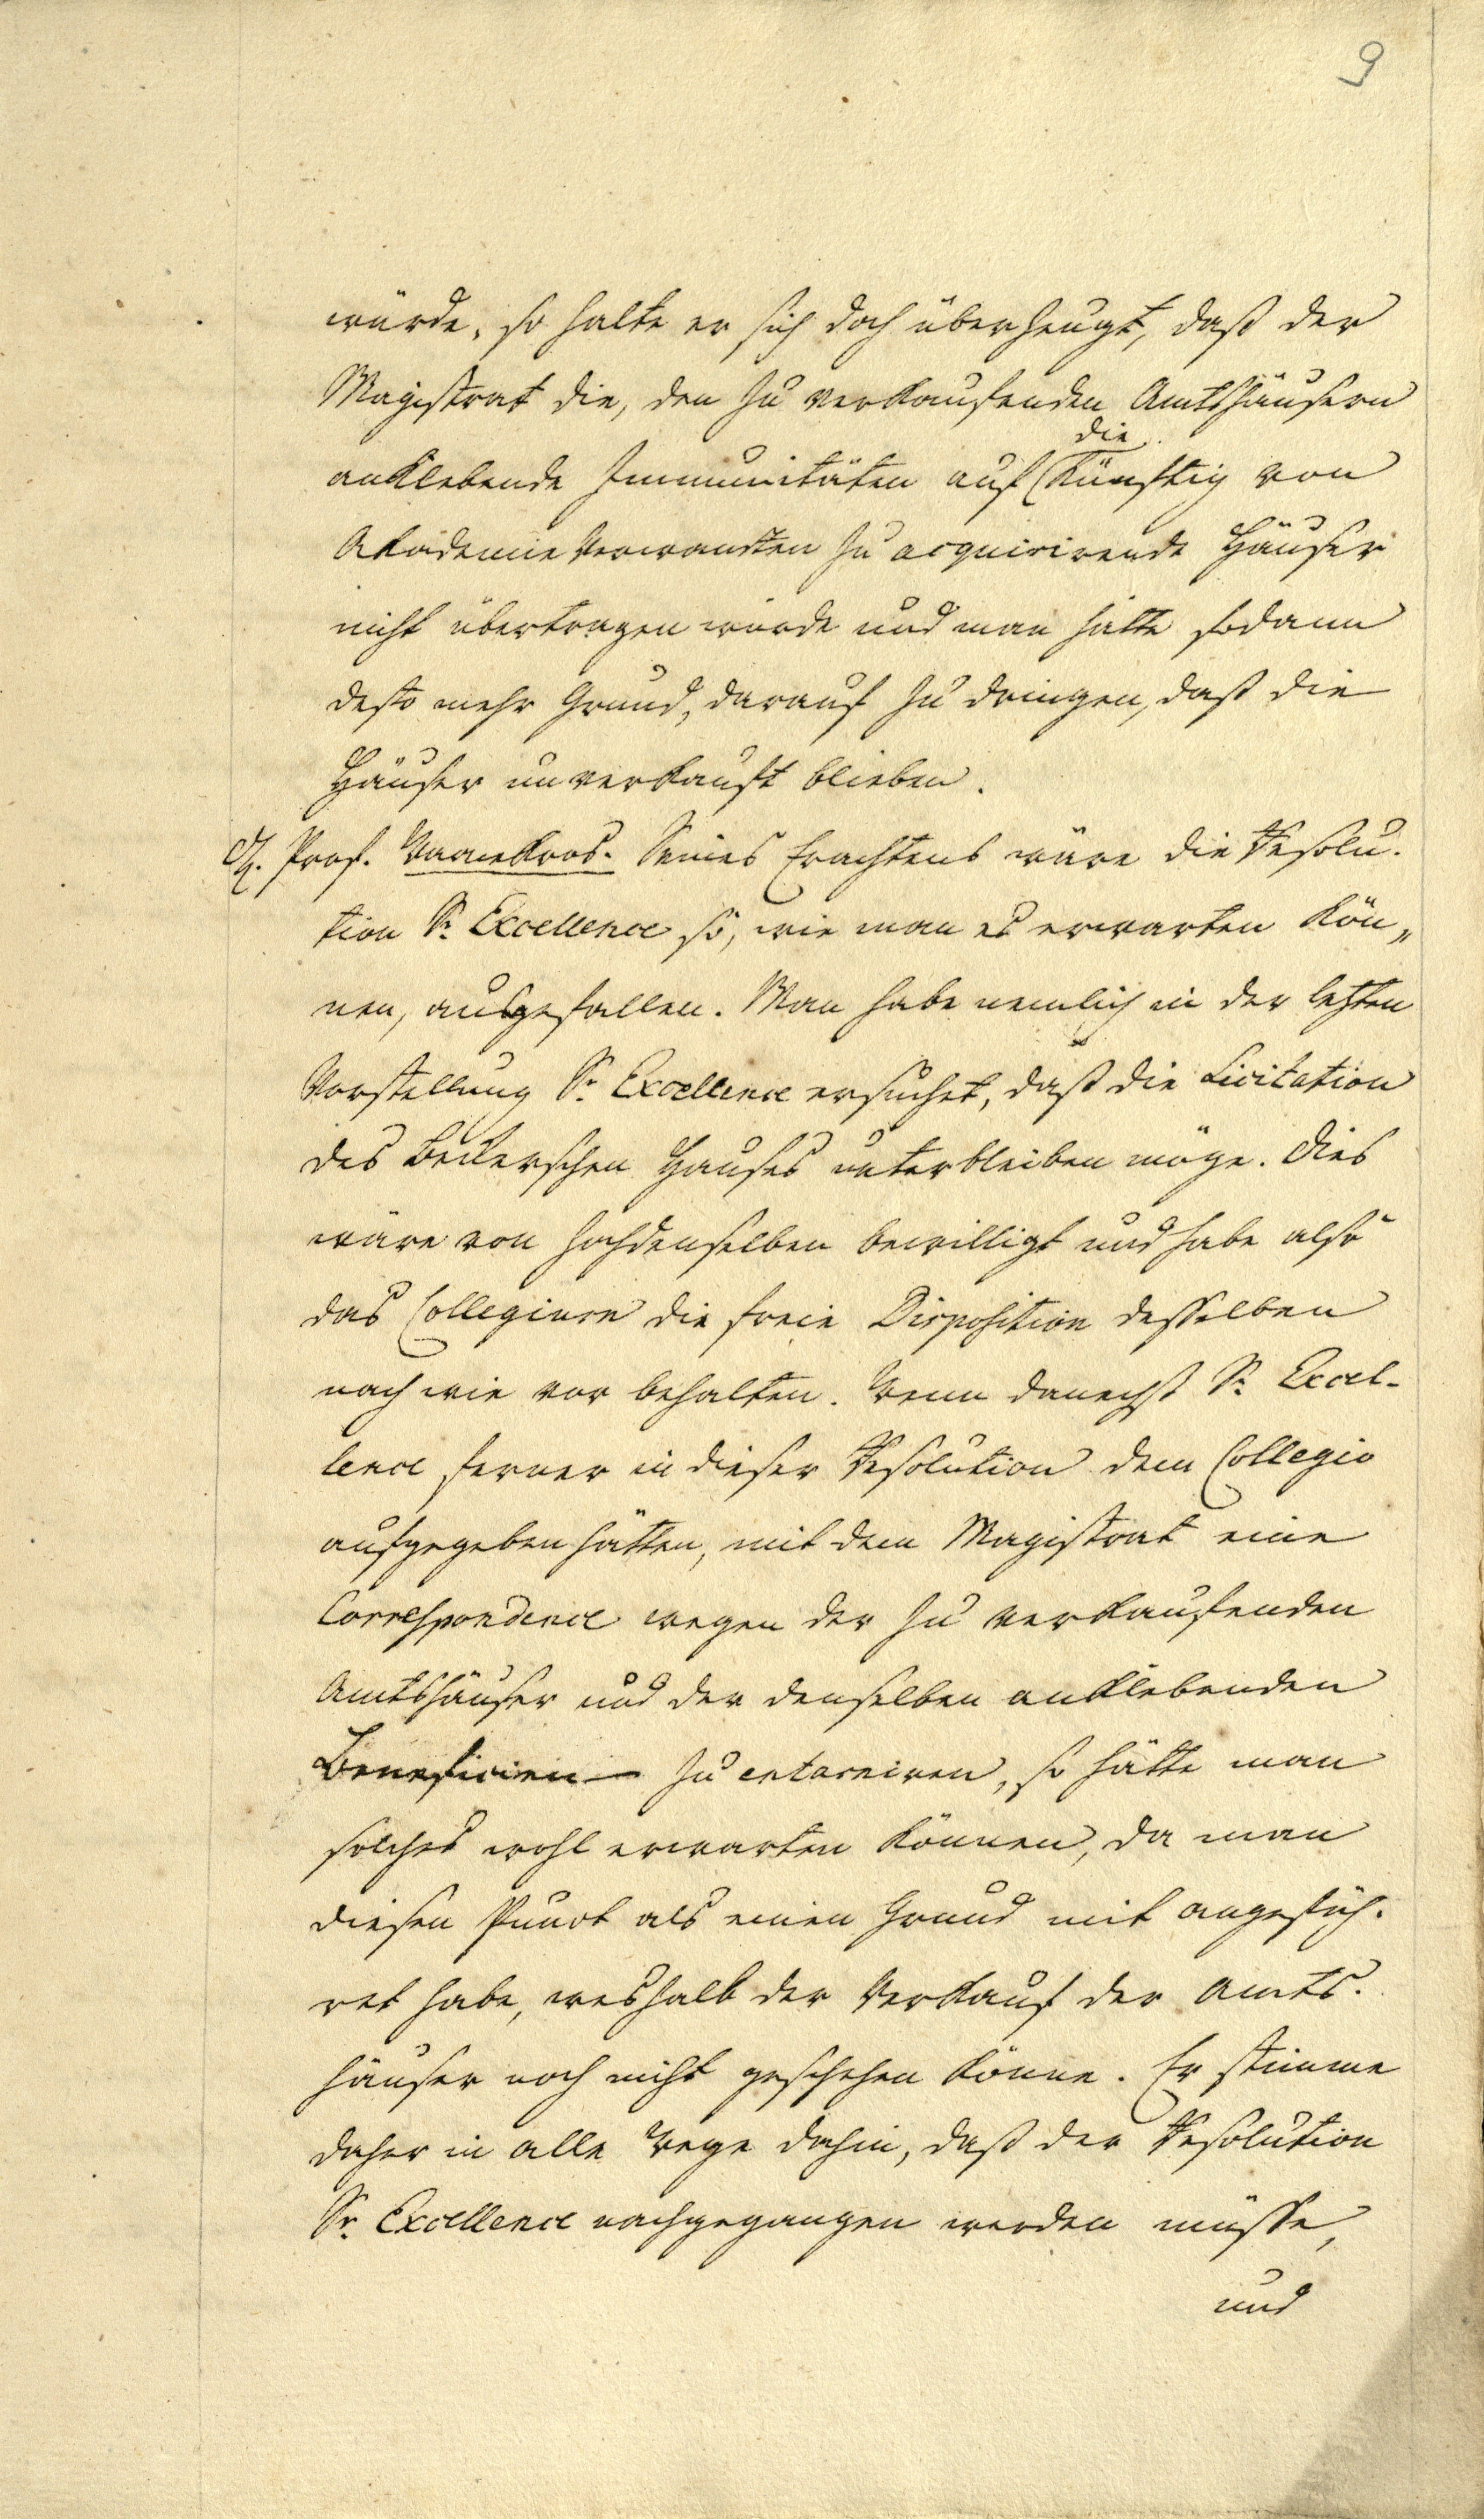würde, so halte er sich doch überhaupt, daß der
Magistrat die, den zu verkaufenden Amtshäusern
anklebende Immunitäten auf die künftig von
Akademie Verwandten zu acquirirende Häuser
nicht übertragen würde und man hätte sodann
desto mehr Grund, darauf zu dringen, daß die
Häuser unverkauft blieben.
dh. Prof. Warnekros. Seines Erachtens wäre die Resolu¬
tion Sr. Excellence so, wie man es erwarten kön¬
nen, ausgefallen. Man habe nemlich in der letzten
Vorstellung Sr. Excellence ersuchet, daß die Licitation
des Beckerschen Hauses unterbleiben möge. Dies
wäre von hochdenselben bewilligt und habe also
das Collegium die freie Disposition desselben
nach wie vor behalten. Wenn danechst Sr. Excel¬
lence ferner in dieser Resolution dem Collegio
aufgegeben hätten, mit dem Magistrat eine
Correspondence wegen der zu verkaufenden
Amtshäuser und der denselben anklebenden
Beneficien zu entarniren, so hätte man
solches wohl erwarten können, da man
diesen Punct als einen Grund mit angefüh¬
ret habe, weshalb der Verkauf der Amts¬
häuser noch nicht geschehen könne. Er stimme
daher in alle Wege dahin, daß der Resolution
Sr. Excellence nachgegangen werden müsse,
und